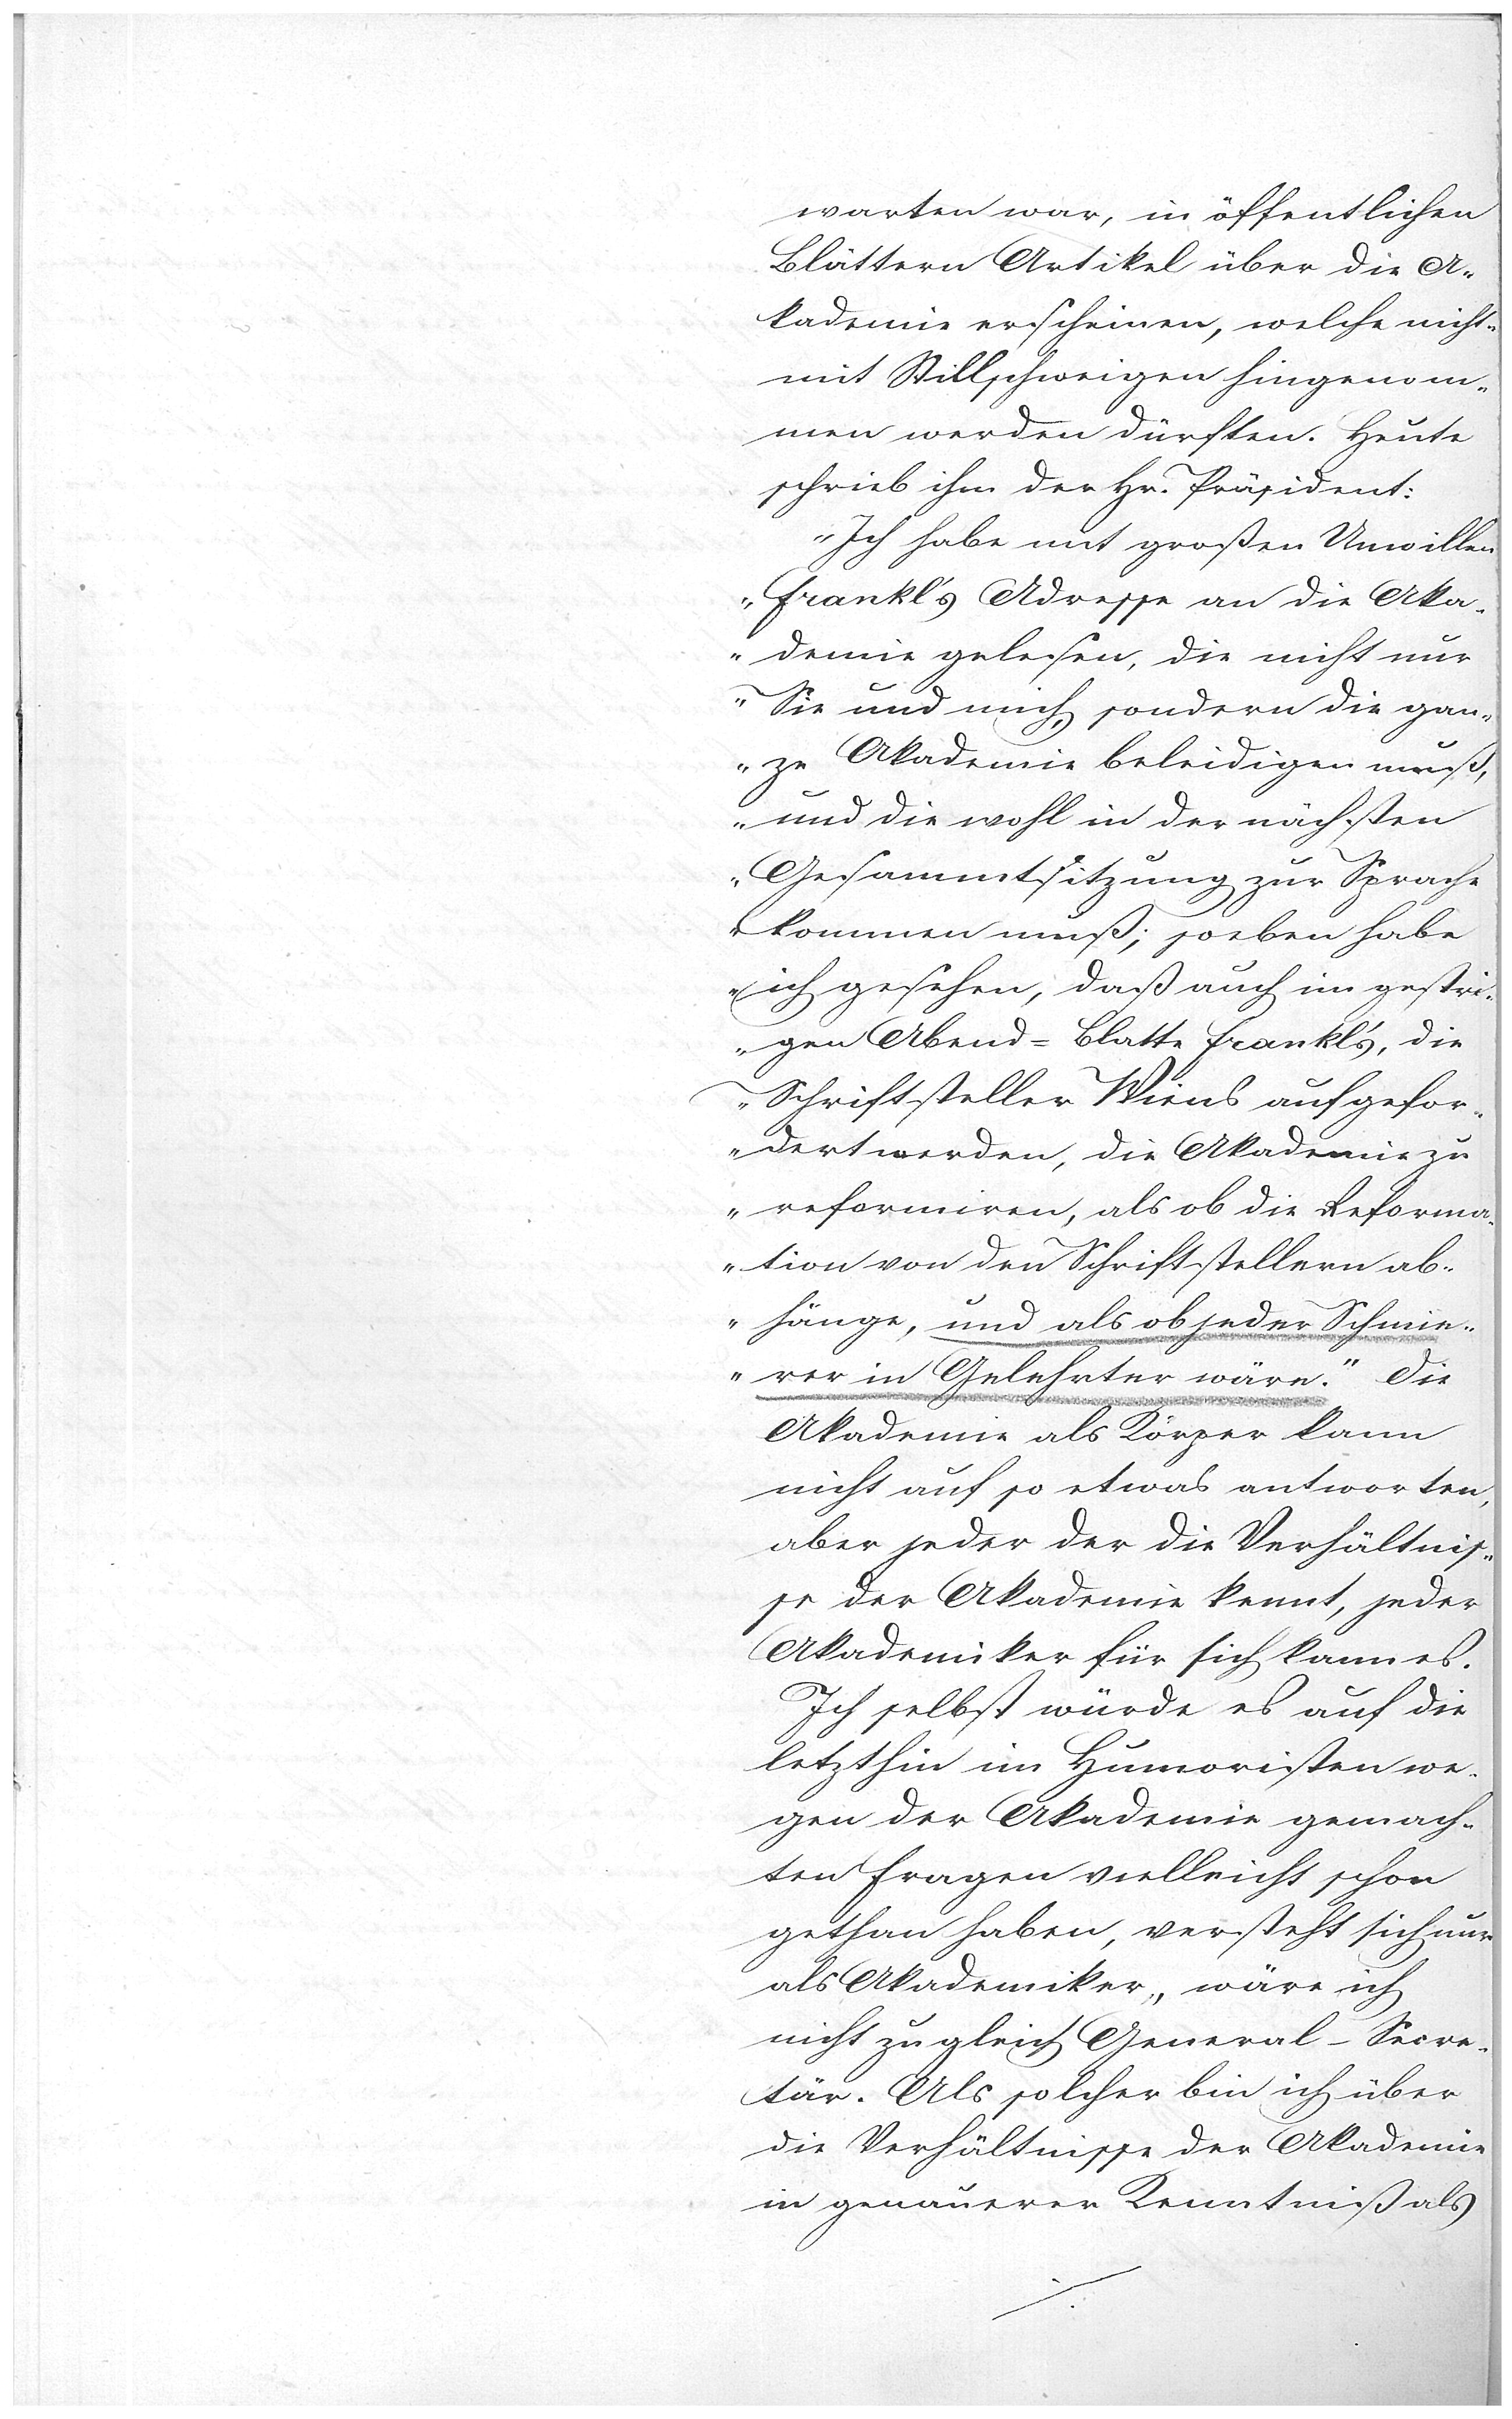warten war, in öffentlichen
Blättern Artikel über die A-
kademie erscheinen, welche nicht-
mit Stillschweigen hingenom-
men werden dürften. Heute
schrieb ihm der Hr. Präsident:
" Ich habe mit großem Unwillen
" Frankl's Adresse an die Aka-
" demie gelesen, die nicht nur
" Sie und mich, sondern die gan-
" ze Akademie beleidigen muß,
" und die wohl in der nächsten
" Gesammtsitzung zur Sprache
" kommen muß; soeben habe
" ich gesehen, daß auch im gestri-
" gen Abend-Blatte Frankl's, die
" Schriftsteller Wiens aufgefor-
" dert werden, die Akademie zu
" reformiren, als ob die Reforma-
" tion von Schriftstellern ab-
" hänge, und als ob jeder Schmier-
" rer in Gelehrter wäre." Die
Akademie als Körper kann
nicht auf so etwas antworten;
aber jeder der die Verhältnis-
se der Akademie kennt, jeder
Akademiker für sich kann es.
Ich selbst würde es auf die
letzthin und Humoristen we-
gen der Akademie gemach-
ten Fragen vielleicht schon
gethan haben, versteht sicher nur
als Akademiker, wäre ich
nicht zu gleich General-Secre-
tär. Als solcher bin ich über
die Verhältnisse der Akademie
in genauerer Kenntniß als